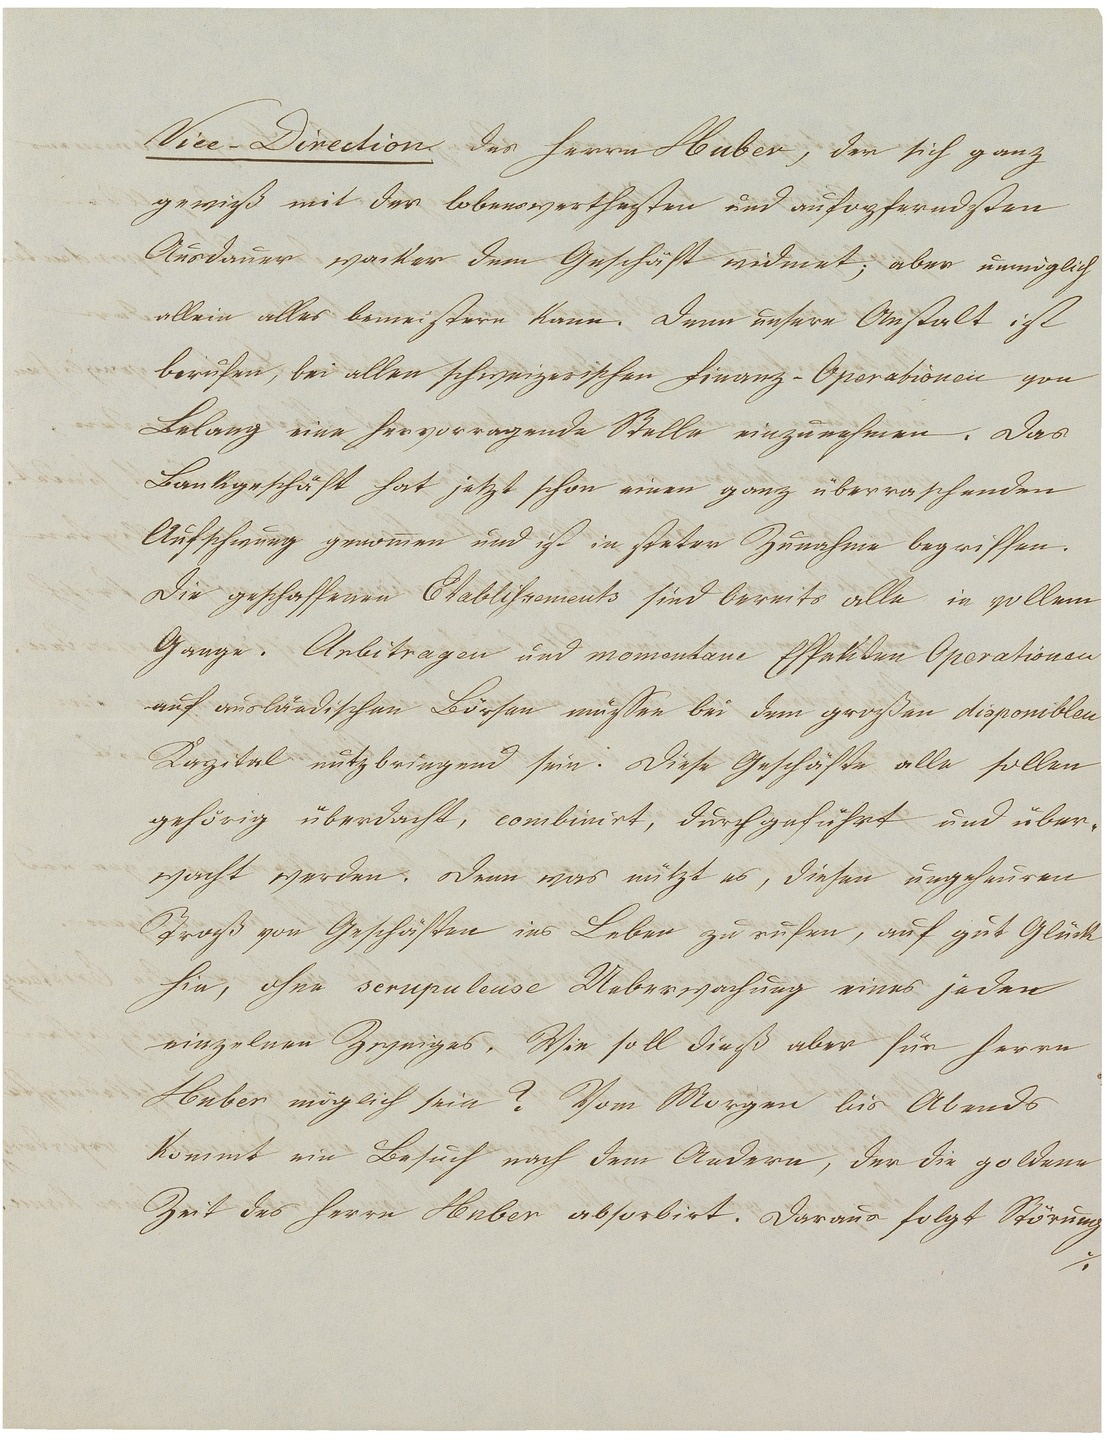Vice-Direction des Herrn Huber, der sich ganz
gewiß mit der lobenswerthesten und aufopferndsten
Ausdauer wacker dem Geschäft widmet; aber unmöglich
allein alles bemeistern kann. Denn unsere Anstalt ist
berufen, bei allen schweizerischen Finanz-Operationen von
Belang eine hervorragende Stelle einzunehmen. Das
Bankgeschäft hat jetzt schon einen ganz überraschenden
Aufschwung genommen und ist in steter Zunahme begriffen.
Die geschaffenen Etablissements sind bereits alle in vollem
Gange. Arbitragen und momentane Effekten Operationen
auf ausländischen Börsen müssten bei dem großen disponiblen
Kapital nutzbringend sein. Diese Geschäfte alle sollen
gehörig überdacht, combinirt, durchgeführt und über-
wacht werden. Denn was nützt es, diesen ungeheuren
Troß von Geschäften ins Leben zu rufen, auf gut Glück
hin, ohne scrupuleuse Ueberwachung eines jeden
einzelnen Zweiges. Wie soll dieß aber für Herrn
Huber möglich sein? Vom Morgen bis Abends
kommt ein Besuch nach dem Andern, der die goldene
Zeit des Herrn Huber absorbirt. Daraus folgt Störung